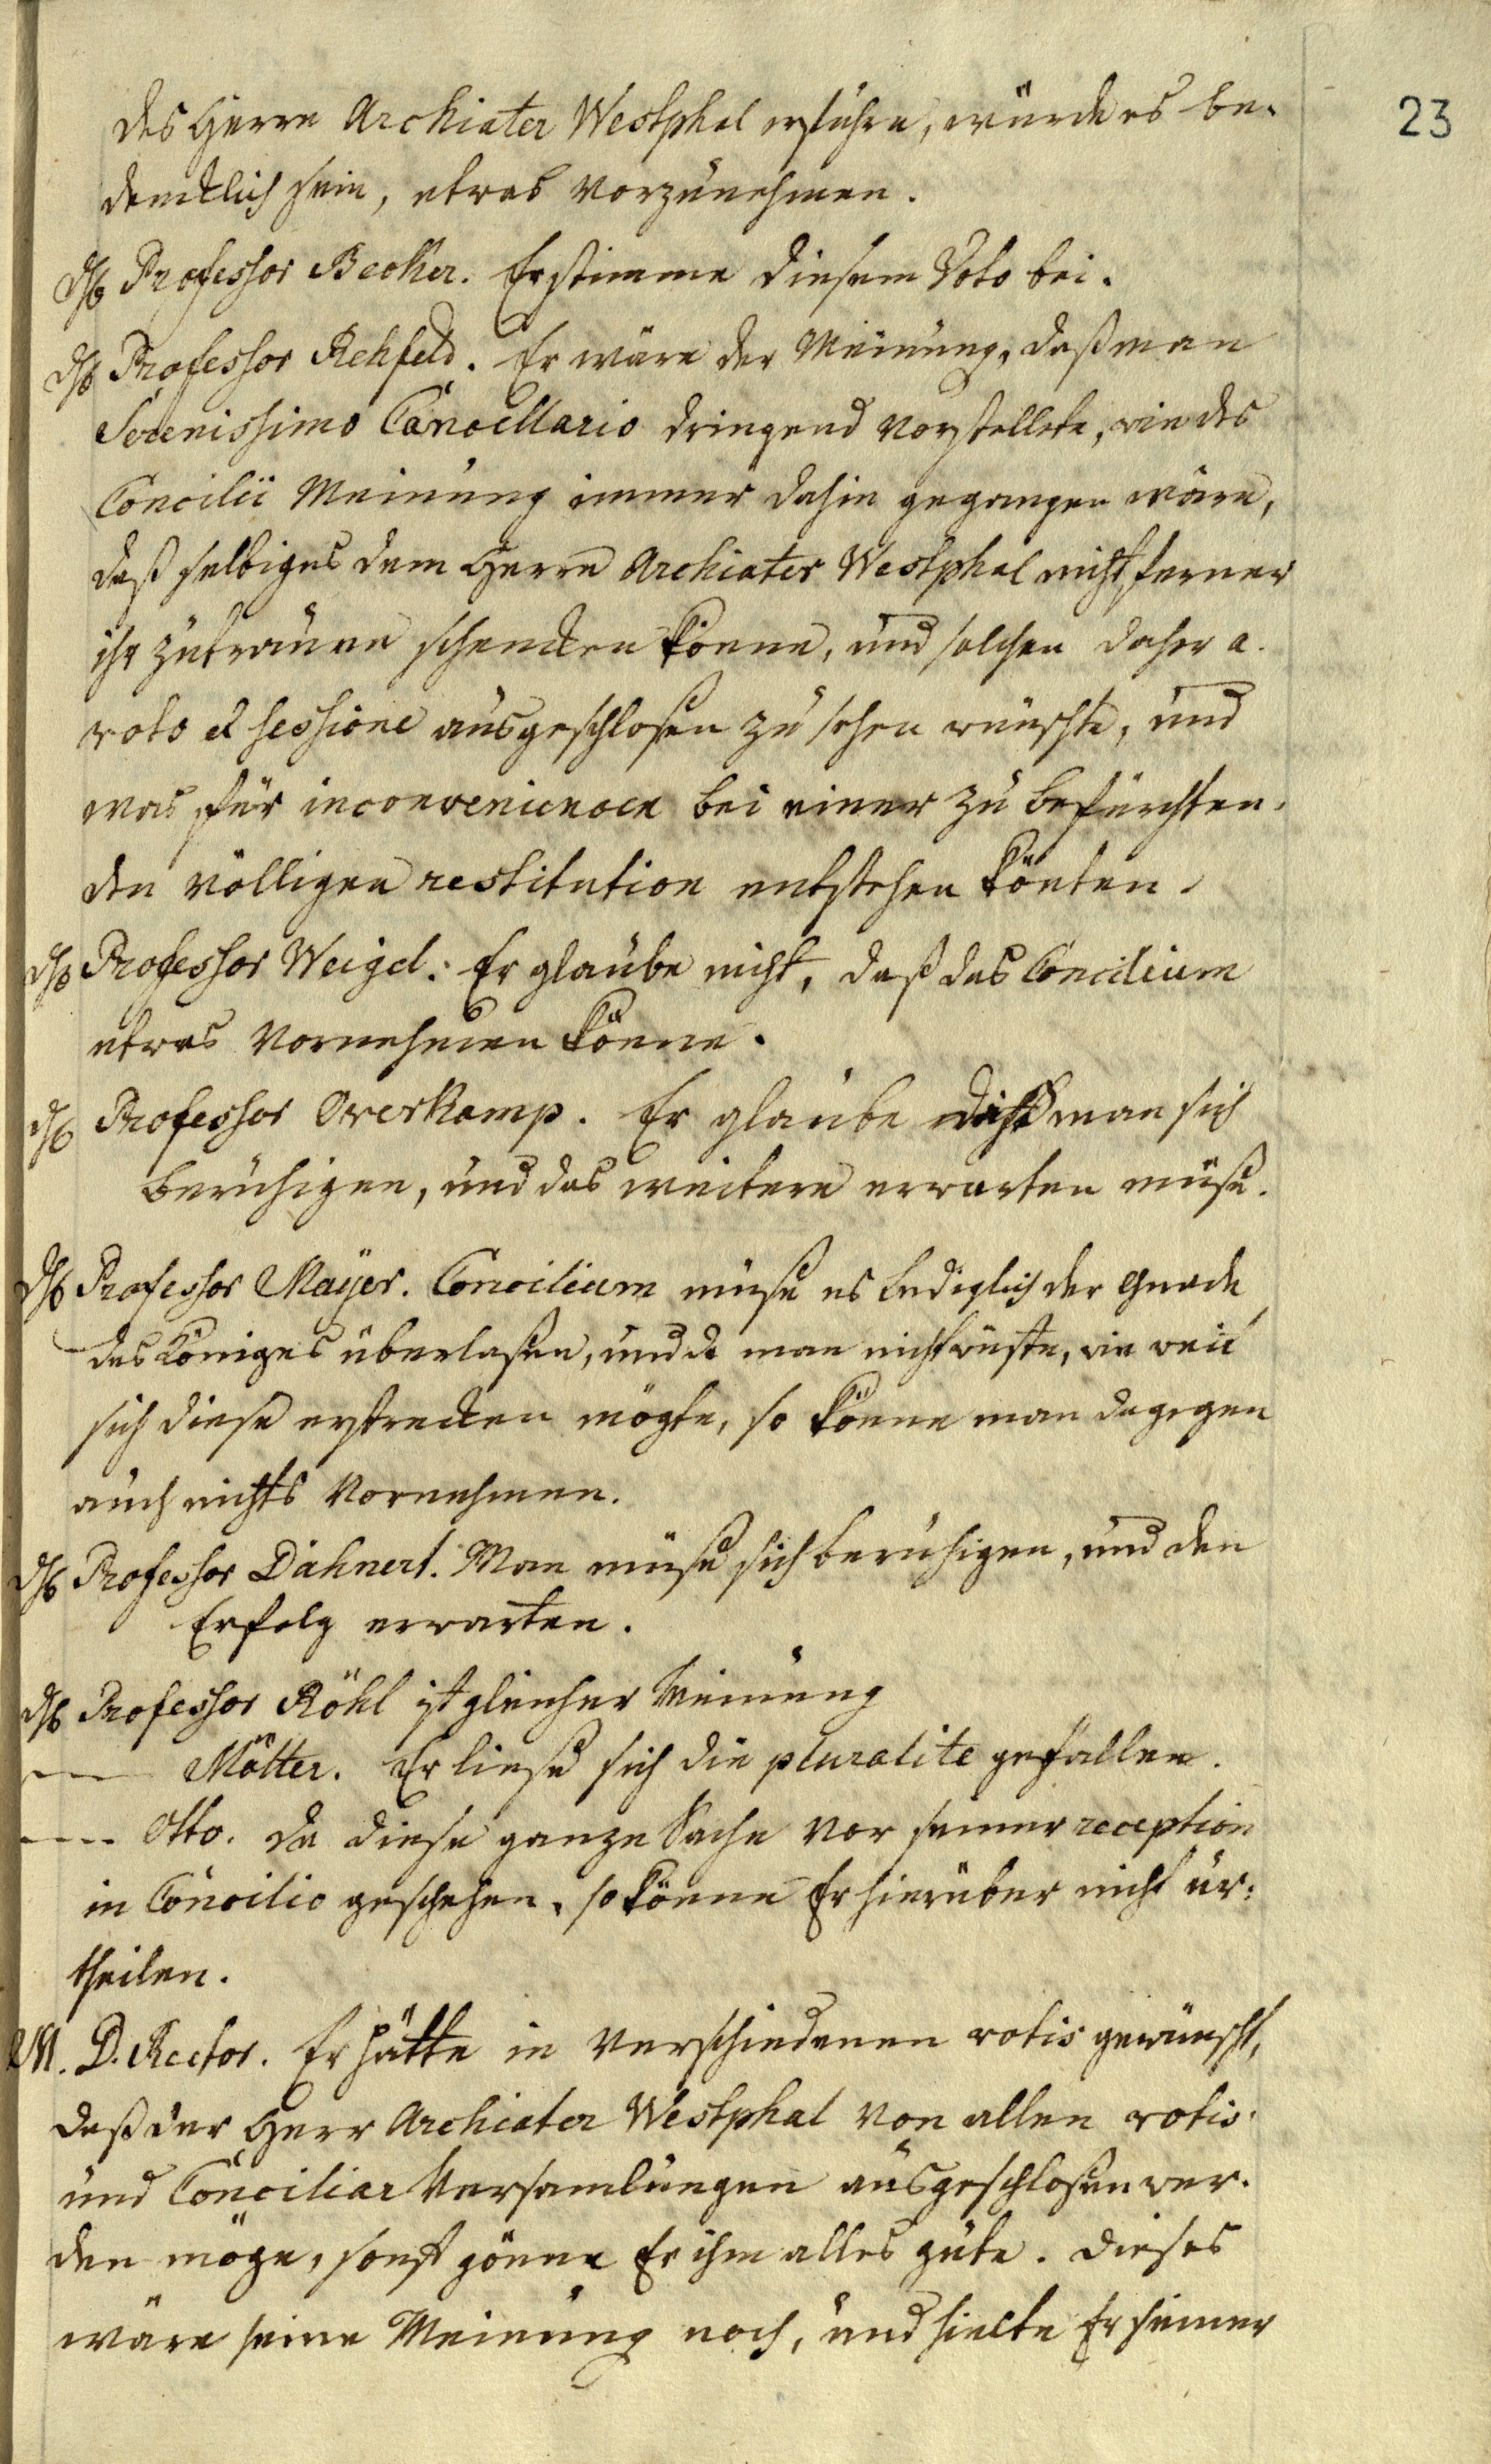des Herrn Archiater Westphal erführe, würde es be¬
dencklich sein, etwas vorzunehmen.
dh Professor Becker. Er stimme diesem Voto bei.
dh Professor Rehfeld. Er wäre der Meinung, daß man
Seremissimo Cancellario dringend vorstellte, wie des
Concilii Meinung immer dahin gegangen wäre,
daß selbiges dem Herrn Archiater Westphal nicht ferner
ihr Zutrauen schencken könne, und solchen daher a.
voto et sessione ausgeschlossen zu sehen wünschte, und
was für inconveniencen bei einer zu befürchten¬
den völligen restitution entstehen könten.
dh Professor Weigel. Er glaube nicht, daß das Concilium
etwas vornehmen könne.
dh Professor Overkamp. Er glaube daß man sich
beruhigen, und das weitere erwarten müße.
dh Professor Maÿer. Concilium müße es lediglich der Gnade
des Königes überlaßen, und da man nicht wüste, wie weit
sich diese erstrecken mögte, so könne man dagegen
auch nichts vornehmen.
dh Professor Dähnert. Man müße sich beruhigen, und den
Erfolg erwarten.
dh Professor Röhl ist gleicher Meinung.
Möller. Er ließe sich die pluralite gefallen.
Otto. Da diese ganze Sache vor seiner reception
in Concilio geschehen, so könne Er hierüber nicht ur¬
theilen.
M. D. Rector. Er hätte in verschiedenen votis gewünscht,
daß der Herr Archiater Westphal von allen votis
und ConciliarVersamlungen ausgeschloßen wer¬
den möge, sonst gönne Er ihm alles Gute. Dieses
wäre seine Meinung noch, und hielte Er seiner